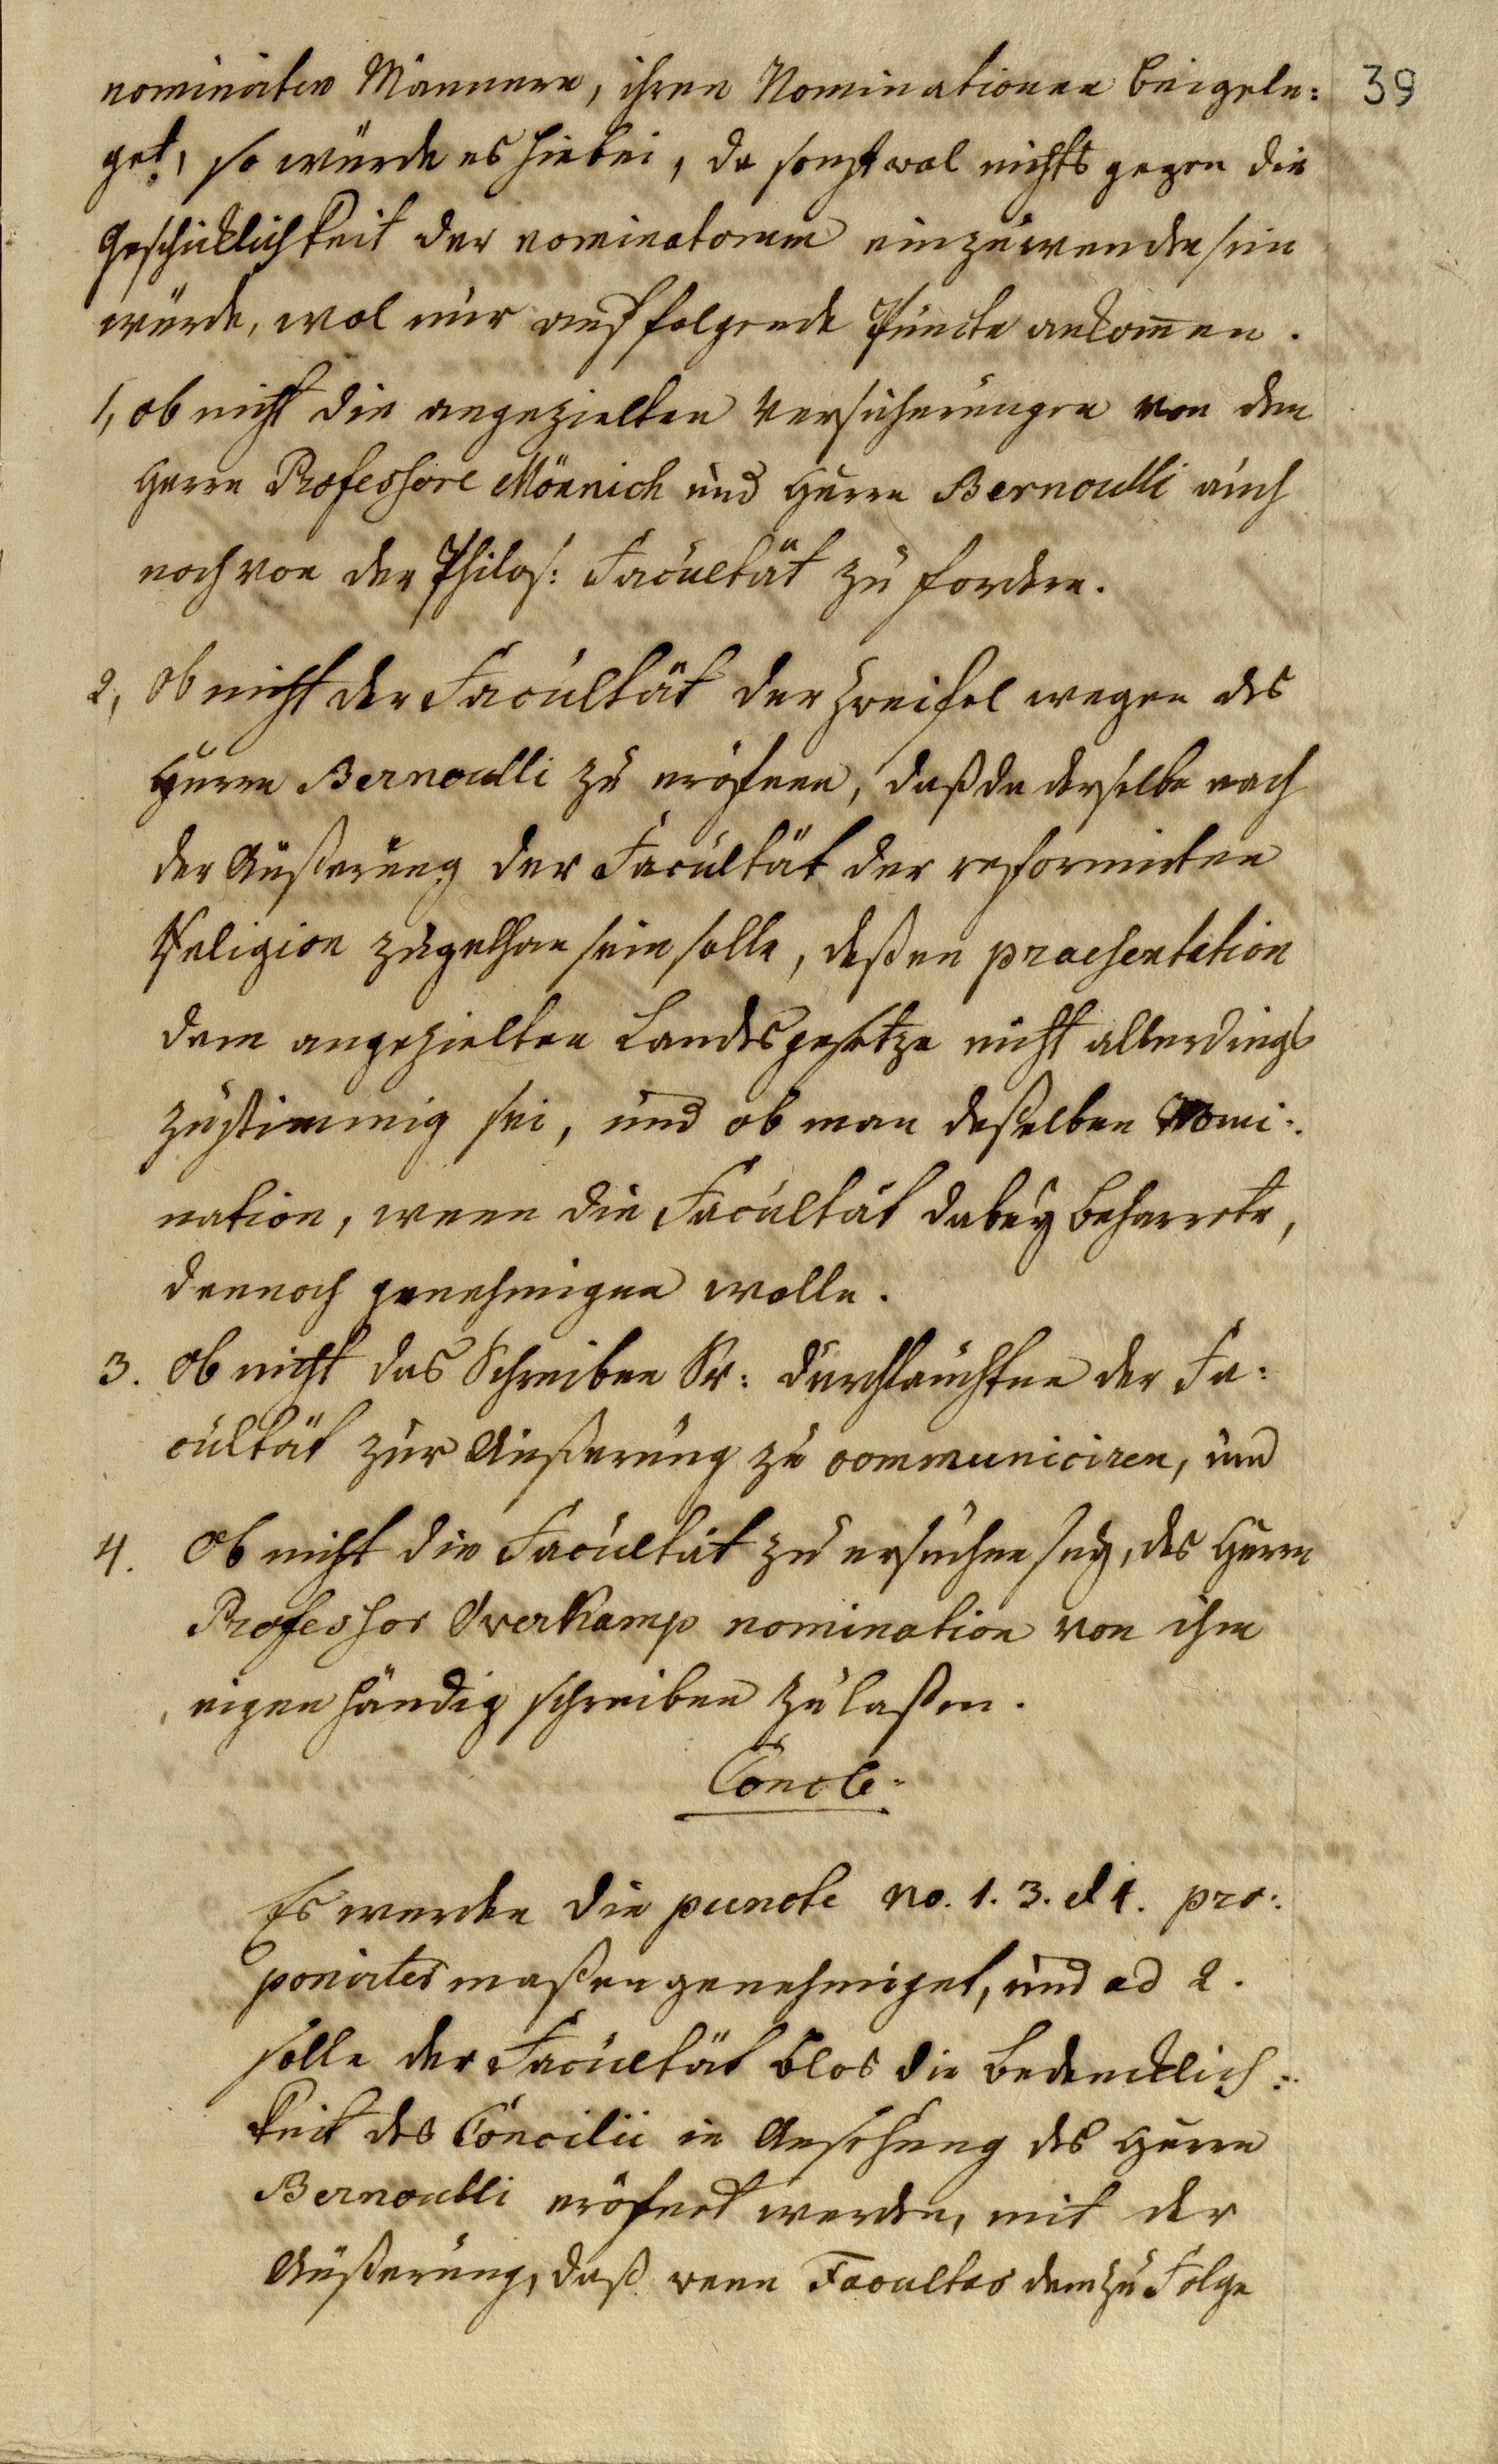nominirten Männern, ihren Nominationen beigele¬
get, so würde es hiebei, da sonst wol nichts gegen die
Geschicklichkeit der nominatorum einzuwenden sein
würde, wol nur auf folgende Puncte ankomen.
t1, ob nicht die angezielten Versicherungen von dem
Herrn Professore Mönnich und Herrn Benoulli auch
noch von der Philos. Facultät zu fordern.
2, ob nicht der Facultät der Zweifel wegen des
Herrn Bernoulli zu eröfnen, daß da derselbe nach
der Äußerung der Facultät der reformirten
Religion zugethan sein solle, deßen praesentation
dem angezielten Landesgesetze nicht allerdings
zustimmig sei, und ob man deßelben Nomi¬
nation, wenn die Facultät dabeÿ beharrete,
dennoch genehmigen wolle.
3. ob nicht das Schreiben Sr. Durchlauchten der Fa¬
cultät zur Äußerung zu communiciren, und
4. ob nicht die Facultät zu ersuchen seÿ, des Herrn
Professor Overkamp nomination von ihm
eigen händig schreiben zu laßen.
Concl.
Es werden die puncte no. 1. 3. et 4. pro¬
ponirter maßen genehmiget, und ad 2.
solle der Facultät blos die Bedenklich¬
keit des Concilii in Ansehung des Herrn
Bernoulli eröfnet werden, mit der
Äußerung, daß wenn Facultas dem zu Folge